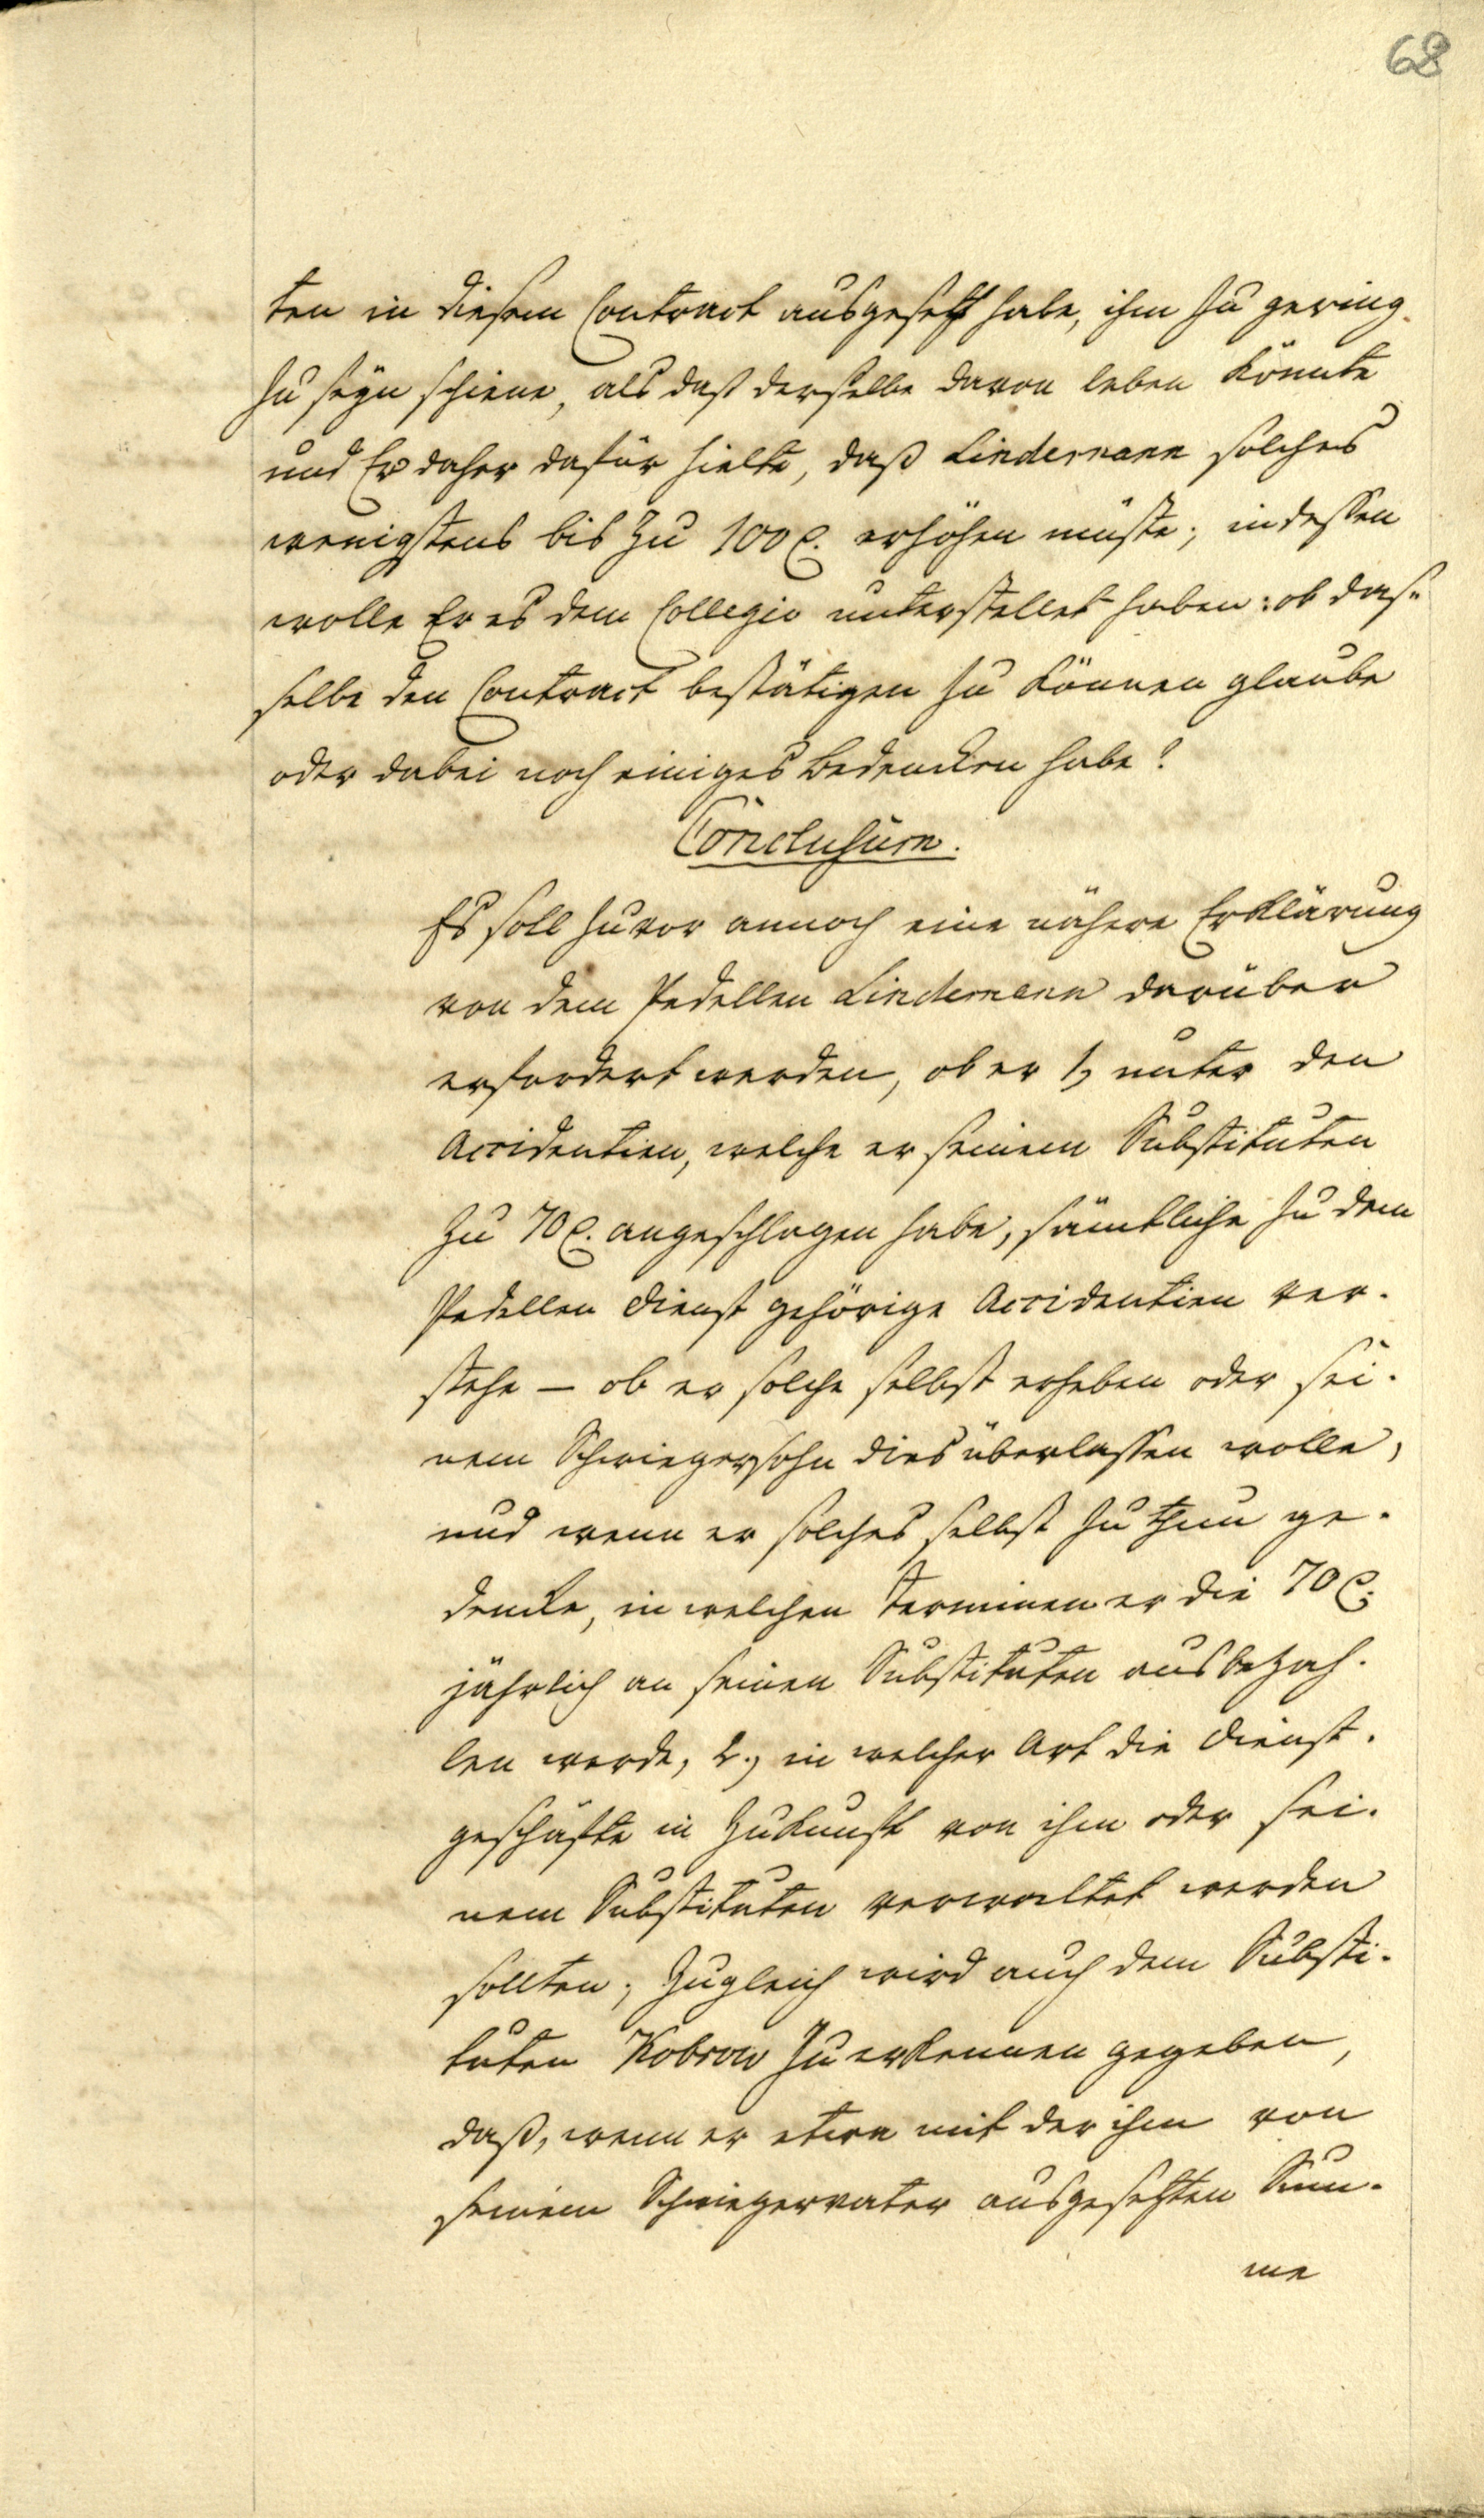ten in diesem Contract ausgesetzt habe, ihm zu gering
zu seÿn schiene, als daß derselbe davon leben könnte
und Er daher dafür hielte, daß Lindemann solches
wenigstens bis zu 100 l. erhöhen müsste; indessen
wolle Er es dem Collegio unterstellet haben : ob das¬
selbe den Contract bestätigen zu können glaube
oder dabei noch einiges Bedencken habe?
Conclusum.
Es soll zuvor annoch eine nähere Erklärung
von dem Pedellen Lindemann darüber
erfordert werden, ob er 1, unter den
Accidentien, welche er seinem Substituten
zu 70 l. angeschlagen habe, sämtliche zu dem
Pedellen Dienst gehörige Accidentien ver¬
stehe - ob er solche selbst erheben der sei¬
nem Schwiegersohn dies überlassen wolle,
und wenn er solches selbst zu thun ge¬
dencke, in welchen Terminen er die 70 l.
jährlich an seinen Substituten ausbezah-
len werde, 2., in welcher Art die Dienst¬
geschäfte in Zukunft von ihm oder sei¬
nem Substituten verwaltet werden
sollten, zugleich wird auch dem Substi¬
tuten Kobrow zu erkennen gegeben,
daß, wenn er etwa mit der ihm von
seinem Schiegervater ausgesetzten Sum¬
me